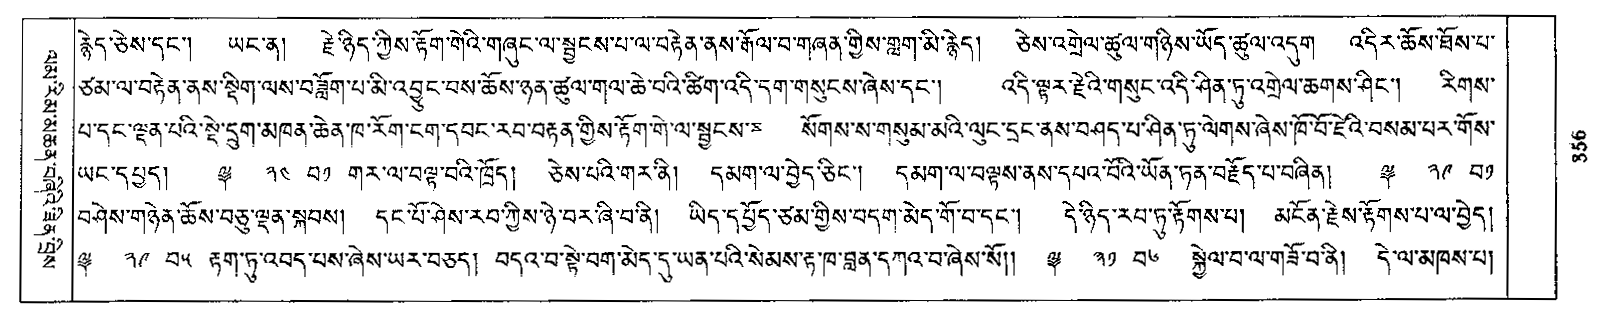རྙེད་ཅེས་དང་། ཡང་ན། རྗེ་ཉིད་ཀྱིས་རྟོག་གེའི་གཞུང་ལ་སྦྱངས་པ་ལ་བརྟེན་ནས་རྒོལ་བ་གཞན་གྱིས་གླག་མི་རྙེད། ཅེས་འགྲེལ་ཚུལ་གཉིས་ཡོད་ཚུལ་འདུག་འདིར་ཆོས་ཐོས་པ་
ཙམ་ལ་བརྟེན་ནས་སྡིག་ལས་བཟློག་པ་མི་འབྱུང་བས་ཆོས་ཉན་ཚུལ་གལ་ཆེ་བའི་ཚིག་འདི་དག་གསུངས་ཞེས་དང་། འདི་ལྟར་ཚུལ་གལ་ཆེ་བའི་ཚིག་འདི་དག་གསུངས་ཞེས་དང་། འདི་ལྟར་
པ་དང་ལྡན་པའི་སྡེ་དྲུག་མཁན་ཆེན་ཁ་རོག་ངག་དབང་རབ་བརྟན་གྱིས་རྟོག་གེ་ལ་སྦྱངས་྾་སོགས་ས་གསུམ་མའི་ལུང་དྲང་ནས་བཤད་པ་ཤིན་ཏུ་ལེགས་ཞེས་ཁོ་བོ་ཇེའི་བསམ་པར་གོས་
ཡང་དཔྱད། ༈ ༢༤་བ ༡་གར་ལ་བལྟ་བའི་ཁྲོད། ཅེས་པའི་གར་ནི། དམག་ལ་བྱེད་ཅིང་། དམག་ལ་བལྟས་ནས་དཔའ་བོའི་ཡོན་ཏན་བརྗོད་པ་བཞིན། ༈ ༢༩་བ ༡
བཤེས་གཉེན་ཆོས་བཅུ་ལྡན་སྐབས། དང་པོ་ཤེས་རབ་ཀྱིས་ཉེ་བར་ཞི་བ་ནི། ཡིད་དཔྱོད་ཙམ་གྱིས་བདག་མེད་གོ་བ་དང་། དེ་ཉིད་རབ་ཏུ་རྟོགས་པ། མངོན་རྗེས་རྟོགས་པ་ལ་བྱེད།
༈ ༢༩་བ ༥་རྟག་ཏུ་འབད་པས་ཞེས་ཡར་བཅད། བདའ་བ་སྟེ་བག་མེད་དུ་ཡན་པའི་སེམས་རྟ་ཁ་བླན་དཀའ་བ་ཞེས་སོ།། ༈ ༣༡་བ ༦་སྐྱེལ་བ་ལ་གཟོ་བ་ནི། དེ་ལ་མཁས་པ།